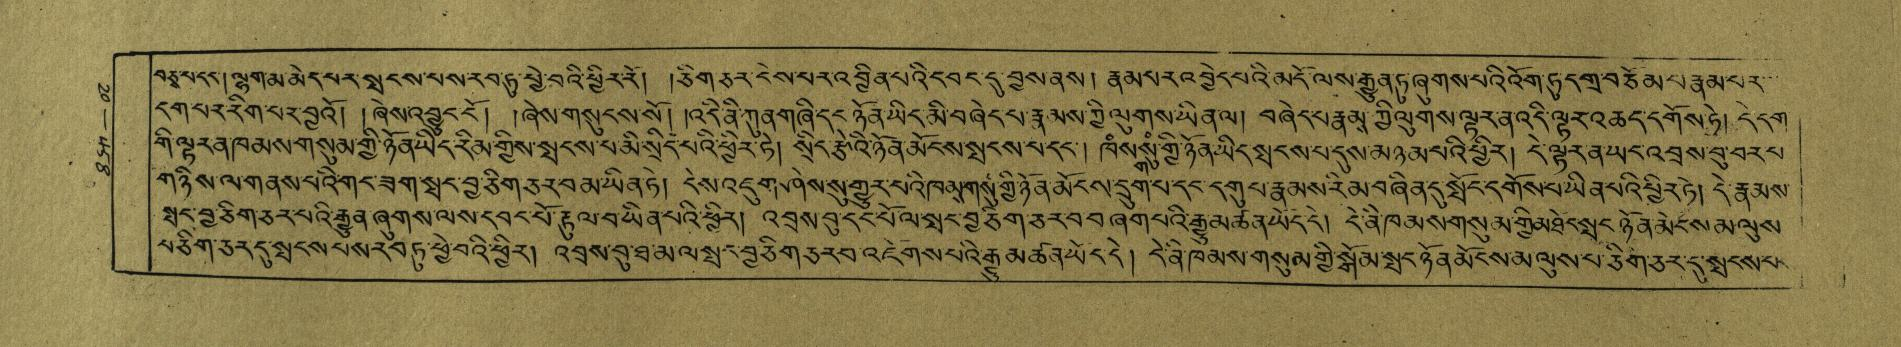བཅས་པ་དང་། ལྷག་མ་མེད་པར་སྤངས་པས་རབ་ཏུ་ཕྱེ་བའི་ཕྱིར་རོ། །ཅིག་ཅར་ངེས་པར་འབྱིན་པའི་དབང་དུ་བྱས་ནས། རྣམ་པར་འབྱེད་པའི་མདོ་ལས་རྒྱུན་ཏུ་ཞུགས་པའི་འོག་ཏུ་དགྲ་བཅོམ་པ་རྣམ་པར་
དག་པར་རིག་པར་བྱའོ། །ཞེས་འབྱུང་ངོ། །ཞེས་གསུངས་སོ། །འདི་ནི་ཀུན་གཞི་དང་ཉོན་ཡིད་མི་བཞེད་པ་རྣམས་ཀྱི་ལུགས་ཡིན་ལ། བཞེད་པ་རྣམས་ཀྱི་ལུགས་ལྟར་ན་འདི་ལྟར་འཆད་དགོས་ཏེ། དེ་དག་
གི་ལྟར་ན་ཁམས་གསུམ་གྱི་ཉོན་ཡིད་རིམ་གྱིས་སྤངས་པ་མི་སྲིད་པའི་ཕྱིར་ཏེ། སྲིད་རྩེའི་ཉོན་མོངས་སྤངས་པ་དང་། ཁཾས་གསུཾ་གྱི་ཉོན་ཡིད་སྤངས་པ་དུས་མཉམ་པའི་ཕྱིར། དེ་ལྟར་ན་ཡང་འབྲས་བུ་བར་པ་
གཉིས་ལ་གནས་པའི་གང་ཟག་སྤང་བྱ་ཅིག་ཅར་བ་མ་ཡིན་ཏེ། ངེས་འཇུག་ཤེས་སུ་གྱུར་པའི་ཁམས་གསུཾ་གྱི་ཉོན་མོངས་དྲུག་པ་དང་དགུ་པ་རྣམས་རིམ་བཞིན་དུ་སྤོང་དགོས་པ་ཡིན་པའི་ཕྱིར་ཏེ། དེ་རྣམས་
སྤང་བྱ་ཅིག་ཅར་པའི་རྒྱུན་ཞུགས་ལས་དབང་པོ་རྟུལ་བ་ཡིན་པའི་ཕྱིར། འབྲས་བུ་དང་པོ་ལ་སྤང་བྱ་ཅིག་ཅར་བ་བཞག་པའི་རྒྱུ་མཚན་ཡོད་དེ། དེ་ནི་ཁམས་གསུམ་གྱི་མཐོང་སྤང་ཉོན་མོངས་མ་ལུས་
པ་ཅིག་ཅར་དུ་སྤངས་པས་རབ་ཏུ་ཕྱེ་བའི་ཕྱིར། འབྲས་བུ་ཐ་མ་ལ་སྤང་བྱ་ཅིག་ཅར་བ་འཇོགས་པའི་རྒྱུ་མཚན་ཡོད་དེ། དེ་ནི་ཁམས་གསུམ་གྱི་སྒོམ་སྤང་ཉོན་མོངས་མ་ལུས་པ་ཅིག་ཅར་དུ་སྤངས་པས་